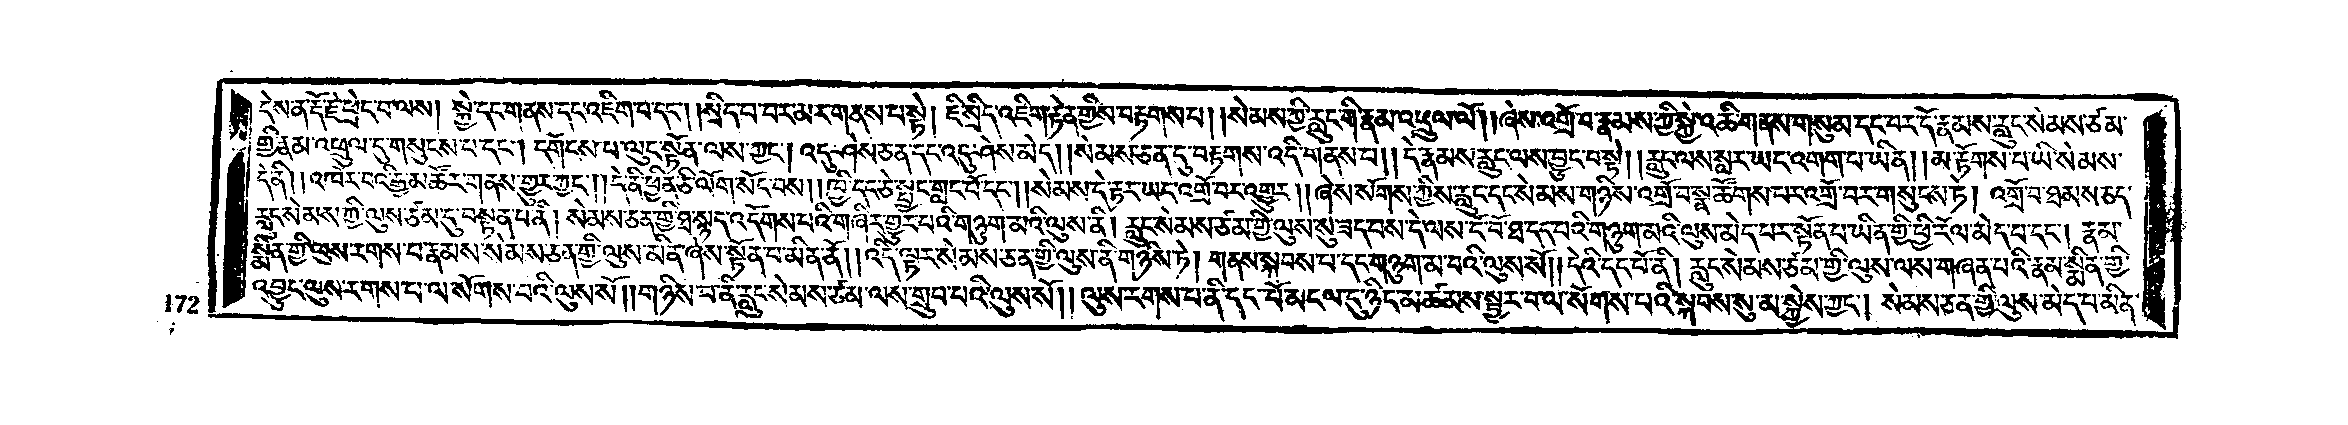དེས་ན་རྡོ་རྗེ་ཕྲེང་བ་ལས། སྐྱེ་དང་གནས་དང་འཇིག་པ་དང་། །སྲིད་པ་བར་མར་གནས་པ་སྟེ། ཇི་སྲིད་འཇིག་རྟེན་གྱིས་བརྟགས་པ། །སེམས་ཀྱི་རླུང་གི་རྣམ་འཕྲུལ་ལོ། །ཞེས་འགྲོ་བ་རྣམས་ཀྱི་སྐྱེ་འཆི་གནས་གསུམ་དང་བར་དོ་རྣམས་རླུང་སེམས་ཙམ་
གྱི་རྣམ་འཕྲུལ་དུ་གསུངས་པ་དང་། དགོངས་པ་ལུང་སྟོན་ལས་ཀྱང་། འདུ་ཤེས་ཅན་དང་འདུ་ཤེས་མེད། །སེམས་ཅན་དུ་བརྟགས་འདི་གནས་པ། །དེ་རྣམས་རླུང་ལས་བྱུང་བ་སྟེ། །རླུང་ལས་སླར་ཡང་འགག་པ་ཡིན། །མ་རྟོགས་པ་ཡི་སེམས་
དེ་ནི། །འཁོར་བའི་རྒྱ་མཚོར་གནས་གྱུར་ཀྱང་། །དེ་ནི་ཕྱིན་ཅི་ལོག་སོང་བས། །ཁྱི་དང་ཅེ་སྤྱང་གླང་པོ་དང་། །སེམས་དེ་རྟར་ཡང་འགྲོ་བར་འགྱུར། །ཞེས་སོགས་ཀྱིས་རླུང་དང་སེམས་གཉིས་འགྲོ་བ་སྣ་ཚོགས་པར་འགྲོ་བར་གསུངས་ཏེ། འགྲོ་བ་ཐམས་ཅད་
རླུང་སེམས་ཀྱི་ལུས་ཙམ་དུ་བསྟན་པ་ནི། སེམས་ཅན་གྱི་ཐ་སྙད་འདོགས་པའི་གཞིར་གྱུར་པའི་གཉུག་མའི་ལུས་ནི། རླུང་སེམས་ཙམ་གྱི་ལུས་སུ་ཟད་པས་དེ་ལས་ངོ་བོ་ཐ་དད་པའི་གཉུག་མའི་ལུས་མེད་པར་སྟོན་པ་ཡིན་གྱི་ཕྱི་རོལ་མེད་པ་དང་། རྣམ་
སྨིན་གྱི་ལུས་རགས་པ་རྣམས་སེམས་ཅན་གྱི་ལུས་མིན་ཞེས་སྟོན་པ་མིན་ནོ། །འདི་ལྟར་སེམས་ཅན་གྱི་ལུས་ནི་གཉིས་ཏེ། གནས་སྐབས་པ་དང་གཉུག་མ་བའི་ལུས་སོ། །དེའི་དང་པོ་ནི། རླུང་སེམས་ཙམ་གྱི་ལུས་ལས་གཞན་པའི་རྣམ་སྨིན་གྱི་
འབྱུང་ལུས་རགས་པ་ལ་སོགས་པའི་ལུས་སོ། །གཉིས་པ་ནི་རླུང་སེམས་ཙམ་ལས་གྲུབ་པའི་ལུས་སོ། །ལུས་རགས་པ་ནི་དང་པོ་མངལ་དུ་ཉིང་མཚམས་སྦྱར་བ་ལ་སོགས་པའི་སྐབས་སུ་མ་སྐྱེས་ཀྱང་། སེམས་ཅན་གྱི་ལུས་མེད་པ་མིན་